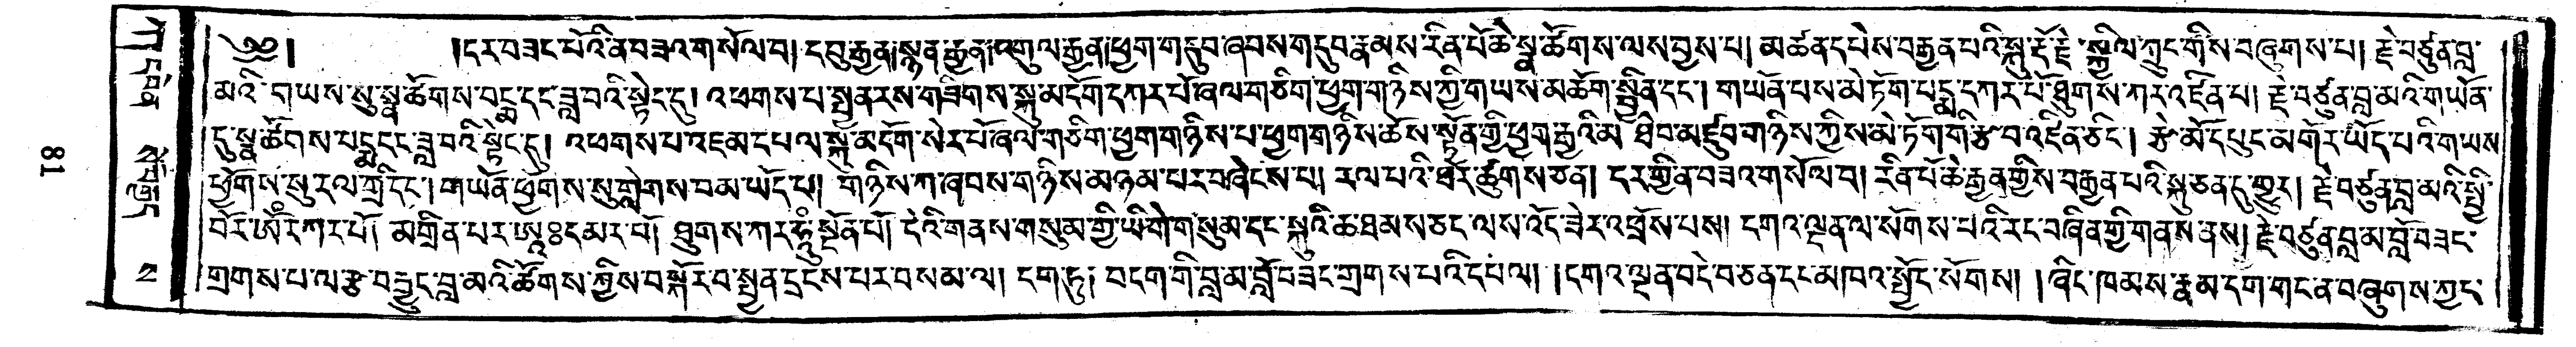༄༅། །ངར་བཟང་པོའི་ན་བཟའ་གསོལ་བ། དབུ་རྒྱན། སྙན་རྒྱན། འགུལ་རྒྱན། ཕྱག་གདུབ་ཞབས་གདུབ་རྣམས་རིན་པོ་ཆེ་སྣ་ཚོགས་ལས་བྱས་པ། མཚན་དཔེས་བརྒྱན་པའི་སྐུ་རྡོ་རྗེ་སྐྱིལ་ཀྲུང་གིས་བཞུགས་པ། རྗེ་བཙུན་བླ་
མའི་གཡས་སུ་སྣ་ཚོགས་པདམ་དང་ཟླ་བའི་སྟེང་དུ། འཕགས་པ་སྤྱན་རས་གཟིགས་སྐུ་མདོག་དཀར་པོ་ཞལ་གཅིག་ཕྱག་གཉིས་ཀྱི་གཡས་མཆོག་སྦྱིན་དང་། གཡོན་པས་མེ་ཏོག་པདམ་དཀར་པོ་ཐུགས་ཀར་འཛིན་པ། རྗེ་བཙུན་བླ་མའི་གཡོན་
དུ་སྣ་ཚོགས་པདམ་དང་ཟླ་བའི་སྟེང་དུ། འཕགས་པ་འཇམ་དཔལ་སྐུ་མདོག་སེར་པོ་ཞལ་གཅིག་ཕྱག་གཉིས་པ་ཕྱག་གཉིས་ཆོས་སྟོན་གྱི་ཕྱག་རྒྱའི་མཐེབ་མཛུབ་གཉིས་ཀྱིས་མེ་ཏོག་གི་རྩ་བ་འཛིན་ཅིང་། རྩེ་མོ་དཔུང་མགོར་ཡོད་པའི་གཡས་
ཕྱོགས་སུ་རལ་གྲི་དང་། གཡོན་ཕྱོགས་སུ་གླེགས་བམ་ཡོད་པ། གཉིས་ཀ་ཞབས་གཉིས་མཉམ་པར་བཞེངས་པ། རལ་པའི་ཐོར་ཚུགས་ཅན། དར་གྱི་ན་བཟའ་གསོལ་བ། རིན་པོ་ཆེ་རྒྱན་གྱིས་བརྒྱན་པའི་སྐུ་ཅན་དུ་གྱུར། རྗེ་བཙུན་བླ་མའི་སྤྱི་
བོར་ཨོཾ་དཀར་པོ། མགྲིན་པར་ཨཱཿ དམར་པོ། ཐུགས་ཀར་ཧཱུཾ་སྔོན་པོ། དེའི་གནས་གསུམ་གྱི་ཡི་གེ་གསུམ་དང་སྐུའི་ཆ་ཐམས་ཅད་ལས་འོད་ཟེར་འཕྲོས་པས། དགའ་ལྡན་ལ་སོགས་པའི་རང་བཞིན་གྱི་གནས་ནས། རྗེ་བཙུན་བླ་མ་བློ་བཟང་
གྲགས་པ་ལ་རྩ་བརྒྱུང་བླ་མའི་ཚོགས་ཀྱིས་བསྐོར་བ་སྤྱན་དྲངས་པར་བསམ་ལ། ངག་ཏུ༑ བདག་གི་བླ་མ་བློ་བཟང་གྲགས་པའི་དཔལ། །དགའ་ལྡན་བདེ་བ་ཅན་དང་མཁའ་སྤྱོང་སོགས། །ཞིང་ཁམས་རྣམ་དག་གང་ན་བཞུགས་ཀྱང་